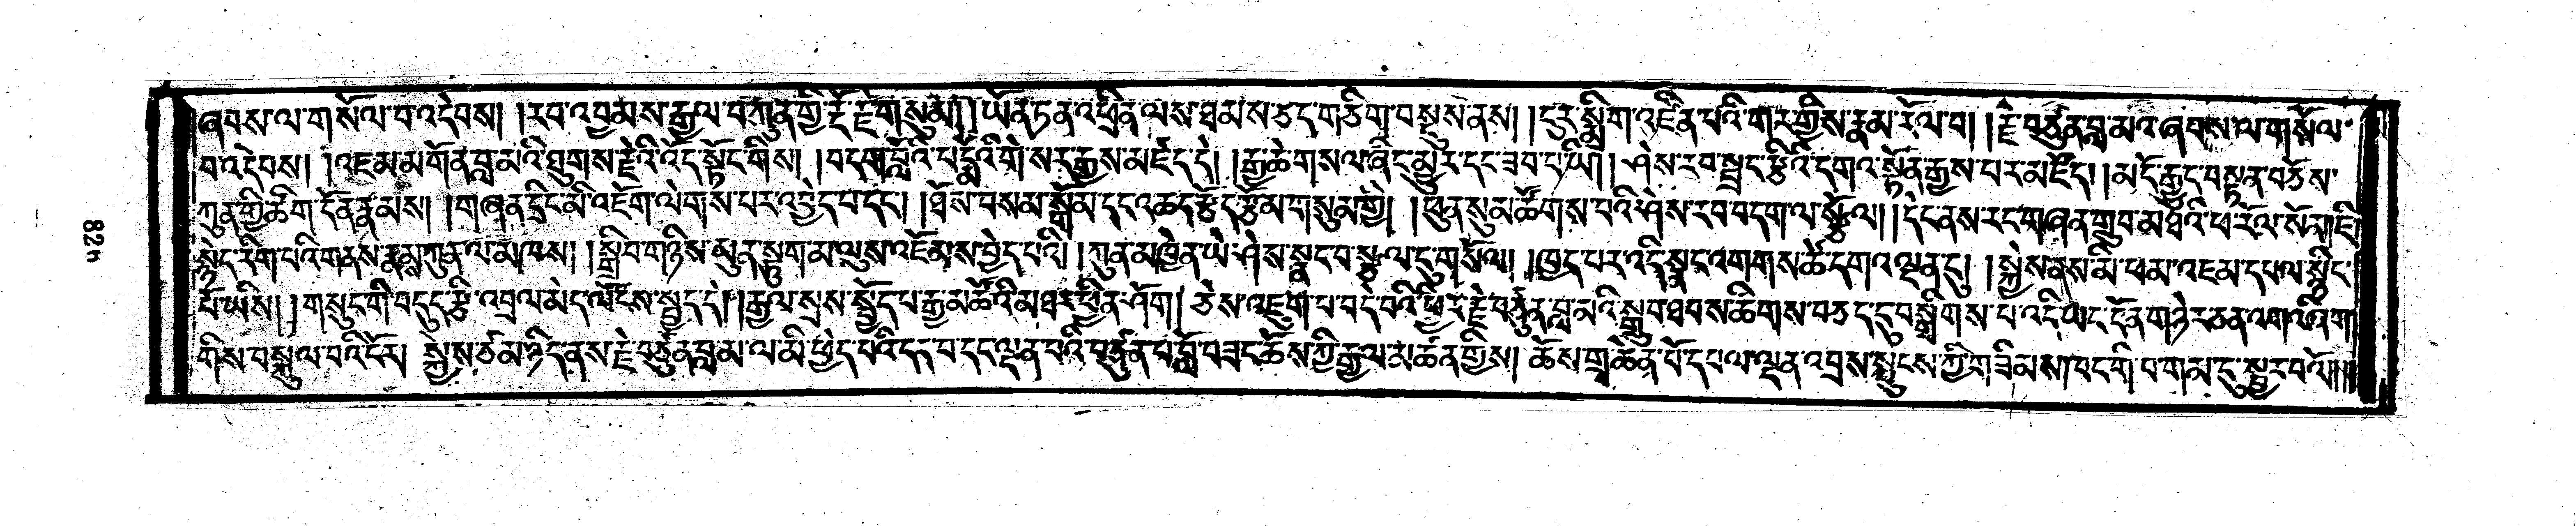ཞབས་ལ་གསོལ་བ་འདེབས། །རབ་འབྱམས་རྒྱལ་བ་ཀུན་གྱི་རྡོ་རྗེ་གསུམ། །ཡོན་ཏན་འཕྲིན་ལས་ཐམས་ཅད་གཅིག་བསྡུས་ནས། །ངུར་སྨྲིག་འཛིན་པའི་གར་གྱིས་རྣམ་རོལ་བ། །རྗེ་བཙུན་བླ་མའི་ཞབས་ལ་གསོལ་
བ་འདེབས། །འཇམ་མགོན་བླ་མའི་ཐུགས་རྗེའི་འོད་སྟོང་གིས། །བདག་བློའི་པདམོའི་གེ་སར་རྒྱས་མཛད་དེ། །རྒྱ་ཆེ་གསལ་ཞིང་མྱུར་དང་ཟབ་པ་ཡི། །ཤེས་རབ་སྦྲང་རྩིའི་དགའ་སྟོན་རྒྱས་པར་མཛོད། །མདོ་རྒྱུད་བསྟན་བཅོས་
ཀུན་གྱི་ཚིག་དོན་རྣམས། །གཞན་དྲིང་མི་འཇོག་ལེགས་པར་འབྱེད་པ་དང་། །ཐོས་བསམ་སྒོམ་དང་འཆད་རྩོད་རྩོམ་གསུམ་གྱི། །ཕུན་སུམ་ཚོགས་པའི་ཤེས་རབ་བདག་ལ་སྩོལ། །དེང་ནས་རང་གཞན་གྲུབ་མཐའི་ཕ་རོལ་སོན། །ཇི་
སྙེད་རིག་པའི་གནས་རྣམས་ཀུན་ལ་མཁས། །སྒྲིབ་གཉིས་མུན་སྟུག་མ་ལུས་འཇོམས་བྱེད་པའི། །ཀུན་མཁྱེན་ཡེ་ཤེས་སྣང་བ་སྩལ་དུ་གསོལ། །ཁྱད་པར་འདི་སྣང་འགགས་ཚེ་དགའ་ལྡན་དུ། །སྐྱེས་ནས་མི་ཕམ་འཇམ་དཔལ་སྙིང་
པོ་ཡིས། །གསུང་གི་བདུད་རྩི་འབྲལ་མེད་ལོངས་སྤྱད་དེ། །རྒྱལ་སྲས་སྤྱོད་པ་རྒྱ་མཚོའི་མཐར་ཕྱིན་ཤོག །ཅེས་འཇུག་པ་བདེ་བའི་ཕྱིར་རྗེ་བཙུན་བླ་མའི་སྒྲུབ་ཐབས་ཚིགས་བཅད་དུ་བསྒྲིགས་པ་འདི་ཡང་དོན་གཉེར་ཅན་འགའ་ཞིག་
གིས་བསྐུལ་བའི་ངོར། སྐྱེས་ཙམ་ཉིད་ནས་རྗེ་བཙུན་བླ་མ་ལ་མི་ཕྱེད་པའི་དད་པ་དང་ལྡན་པའི་བཙུན་པ་བློ་བཟང་ཆོས་ཀྱི་རྒྱལ་མཚན་གྱིས། ཆོས་གྲྭ་ཆེན་པོ་དཔལ་ལྡན་འབྲས་སྤུངས་ཀྱི་གཟིམས་ཁང་གི་བ་གམ་དུ་སྦྱར་བའོ། །